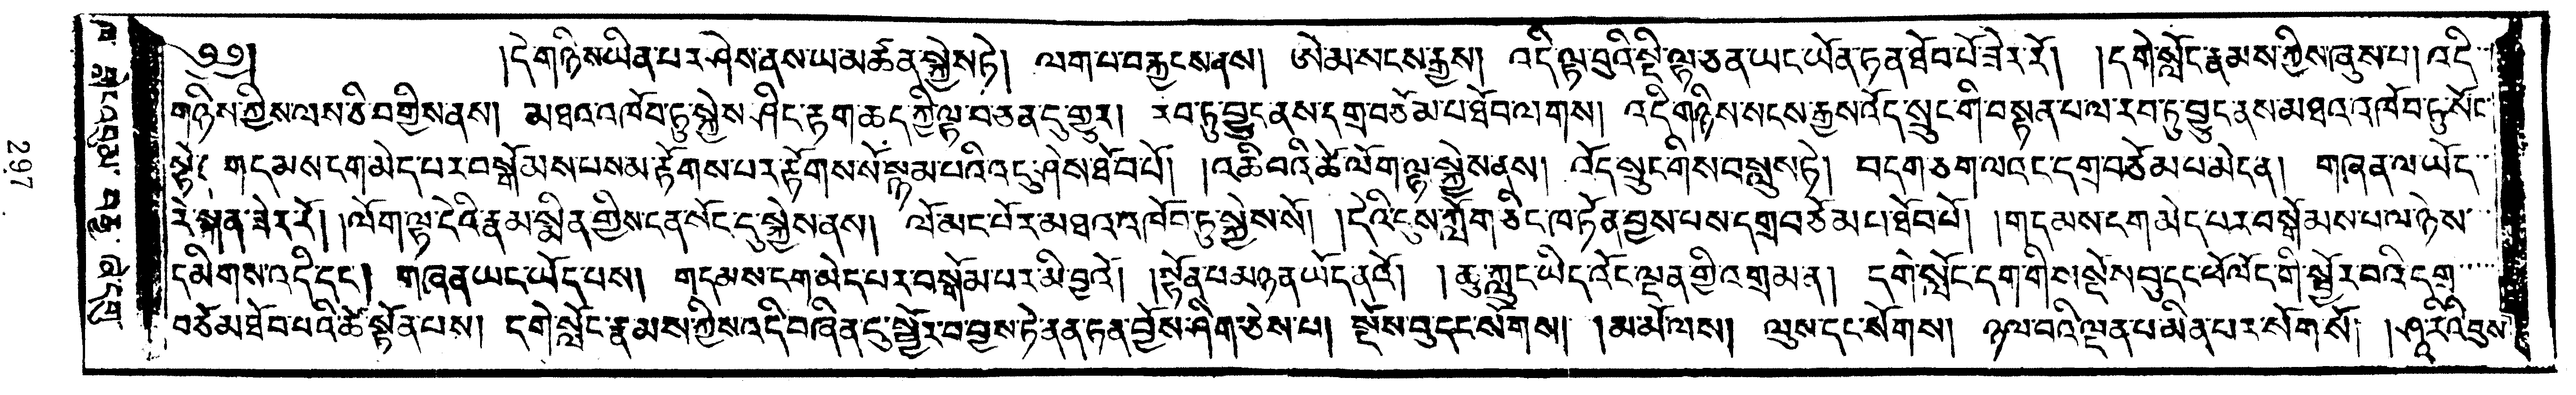༄༅། །དེ་གཉིས་ཡིན་པར་ཤེས་ནས་ཡ་མཚན་སྐྱེས་ཏེ། ལག་པ་བརྐྱངས་ནས། ཨེ་མ་སངས་རྒྱས། འདི་ལྟ་བུའི་སྡི་ལྟ་ཅན་ཡང་ཡོན་ཏན་ཐོབ་པོ་ཟེར་རོ། །དགེ་སློང་རྣམས་ཀྱིས་ཞུས་པ། འདི་
གཉིས་ཀྱིས་ལས་ཅི་བགྱིས་ནས། མཐའ་འཁོབ་ཏུ་སྐྱེས་ཤིང་རྟག་ཆད་ཀྱི་ལྟ་བ་ཅན་དུ་གྱུར། རབ་ཏུ་བྱུང་ནས་དགྲ་བཅོམ་པ་ཐོབ་ལགས། འདི་གཉིས་སངས་རྒྱས་འོད་སྲུང་གི་བསྟན་པ་ལ་རབ་ཏུ་བྱུང་ནས་མཐའ་འཁོབ་ཏུ་སོང་
སྟེ༑ གདམས་ངག་མེད་པར་བསྒོམས་པས་མ་རྟོགས་པར་རྟོགས་སོ་སྙམ་པའི་འདུ་ཤེས་ཐོབ་བོ། །འཆི་བའི་ཚེ་ལོག་ལྟ་སྐྱེས་ནས། འོད་སྲུང་གིས་བསླུས་ཏེ། བདག་ཅག་ལའང་དགྲ་བཅོམ་པ་མེད་ན། གཞན་ལ་ཡོད་
རེ་སྐན་ཟེར་རོ། །ལོག་ལྟ་དེའི་རྣམ་སྨིན་གྱིས་ངན་སོང་དུ་སྐྱེས་ནས། ལོ་མང་པོར་མཐའ་འཁོབ་ཏུ་སྐྱེས་སོ། །དེའི་དུས་ཀློག་ཅིང་ཁ་ཏོན་བྱས་པས་དགྲ་བཅོམ་པ་ཐོབ་བོ། །གདམས་ངག་མེད་པར་བསྒོམས་པ་ལ་ཉེས་
དམིགས་འདི་དང་། གཞན་ཡང་ཡོད་པས། གདམས་ངག་མེད་པར་བསྒོམ་པར་མི་བྱའོ། །སྟོན་པ་མཉན་ཡོད་ནའོ། །ཆུ་ཀླུང་ཡིད་འོང་ལྡན་གྱི་འགྲམ་ན། དགེ་སློང་དག་གིས་སྡོས་བུ་དང་ཕོ་ལོང་གི་སྦྱོར་བའི་དགྲ་
བཅོམ་ཐོབ་པའི་ཚེ་སྟོན་པས། དགེ་སློང་རྣམས་ཀྱིས་འདི་བཞིན་དུ་སྦྱོར་བ་བྱས་ཏེ་ནན་ཏན་བྱོས་ཤིག་ཅེས་པ། སྡོས་བུ་དང་སོགས། །མ་མོ་ལས། ལུས་དང་སོགས། ཉལ་བའི་ལྡན་པ་མིན་པར་སོག་སོ། །ཤཱ་རིའི་བུས་